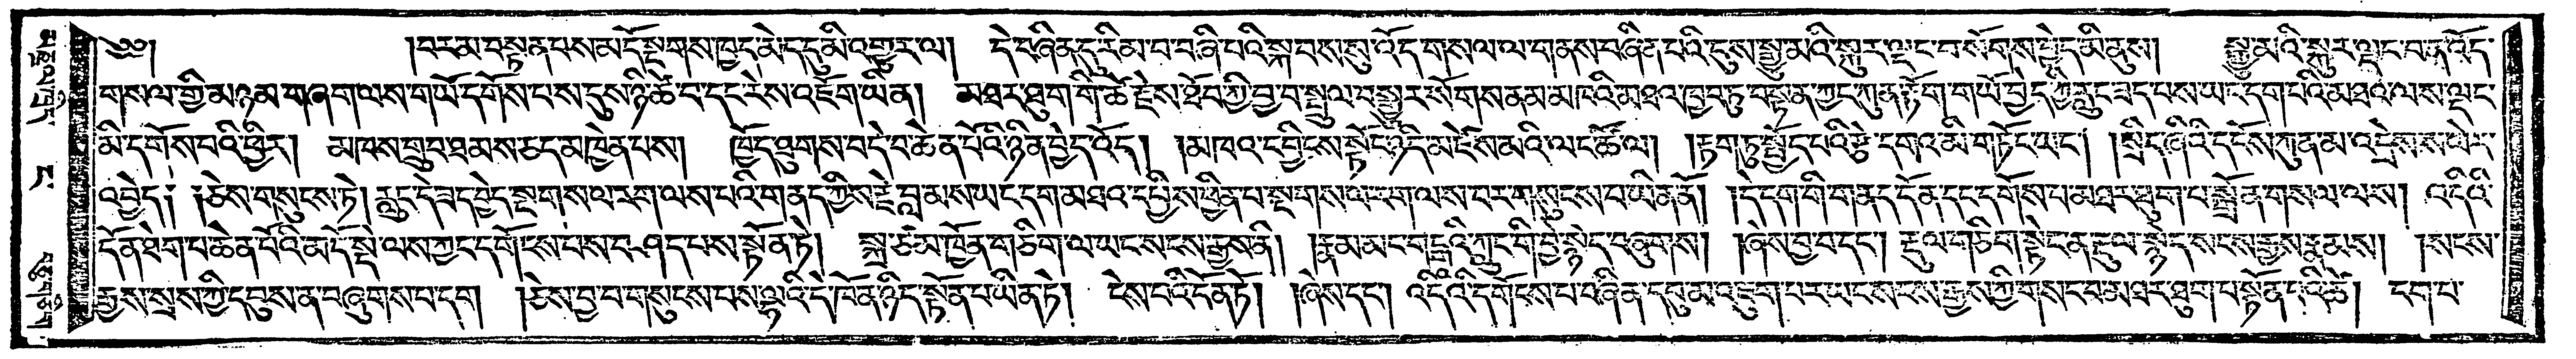༄༅། །བར་མ་བསྟན་པས་མདོ་སྔགས་ཁྱད་མེད་དུ་མི་འགྱུར་ལ། དེ་བཞིན་དུ་རིམ་པ་བཞི་པའི་སྐབས་སུ་འོད་གསལ་ལ་གནས་བཞིན་པའི་དུས་སྒྱུ་མའི་སྐུར་ལྡང་བ་སོགས་བྱེད་མི་ནུས། སྒྱུ་མའི་སྐུར་ལྡང་བ་ན་འོད་
གསལ་གྱི་མཉམ་གཞག་ལས་གཡོ་དགོས་པས་དུས་ཉི་ཚེ་བ་དང་རེས་འཇོག་ཡིན། མཐར་ཐུག་གི་ཚེ་རྗེས་ཐོབ་ཀྱི་བྱ་བ་སྤྲུལ་བསྒྱུར་སོགས་ནམ་མཁའི་མཐའ་ཁྱབ་ཏུ་བསྟན་ཀྱང་ཀུན་རྟོག་གཡོ་བྱེད་ཀྱི་རླུང་ཟད་པས་ཡང་དག་པའི་མཐའ་ལས་ལྡང་
མི་དགོས་པའི་ཕྱིར། མཁས་གྲུབ་ཐམས་ཅད་མཁྱེན་པས། ཁྱོད་ཐུགས་བདེ་བ་ཆེན་པོའི་ཉིན་བྱེད་འོད། །མཁའ་དབྱིངས་སྟོང་ཉིད་མཛེས་མའི་ལང་ཚོལ། །རྟག་ཏུ་སྤྱོད་པའི་རྩེ་དགའ་མི་གཏོང་ཡང་། །སྲིད་ཞིའི་དངོས་ཀུན་མ་འདྲེས་ས་ལེར་
འབྱེད༑ ༑ཅེས་གསུངས་ཏེ། རླུང་དེ་ཟད་བྱེད་སྔགས་ལ་རག་ལས་པའི་གནད་ཀྱིས་རྗེ་བླ་མས་ཡང་དག་མཐའ་དཔྱིས་ཕྱིན་པ་སྔགས་ལ་རག་ལས་བར་གསུངས་པ་ཡིན་ནོ། །དེ་དག་གི་གནད་དོན་དང་དགོས་པ་མཐར་ཐུག་པ་སྒྲོན་གསལ་ལས། འདིའི་
དོན་ཐེག་པ་ཆེན་བོའི་མདོ་སྡེ་ལས་ཀྱང་དགོངས་པས་བཤད་པས་སྟོན་ཏེ། སྐྲ་ཙམ་ཁྱོན་གཅིག་ལ་ཡང་སངས་རྒྱས་ནི། །རྣམ་མང་གངྒའི་ཀླུང་གི་བྱེ་སྙེད་བཞུགས། །ཞེས་བྱ་བ་དང་། རྡུལ་གཅིག་སྟེང་ན་རྡུལ་སྙེད་སངས་རྒྱས་རྣམས། །སངས་
རྒྱས་སྲས་ཀྱི་དབུས་ན་བཞུགས་བདག །ཅེས་བྱ་བ་གསུངས་པས་ལྷའི་དེ་ཁོ་ན་ཉིད་སྟོན་པ་ཡིན་ཏེ། ངེས་པའི་དོན་ཏོ། །ཞེས་དང་། འདིའི་དགོངས་པ་བཞིན་དབུམ་འཇུག་བར་ཡང་སངས་རྒྱས་ཀྱི་གསང་བ་མཐར་ཐུག་པ་སྟོན་པའི་ཚེ། དག་པ་